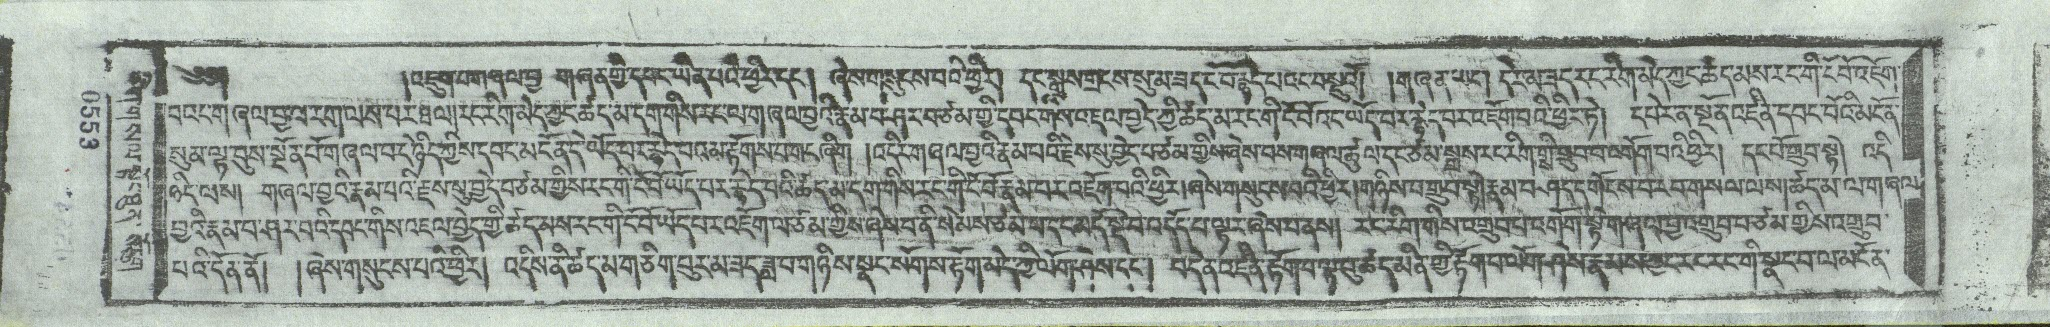༄༅། །འཇུག་པ་གཞལ་བྱ་གཞན་གྱི་དབང་ཡིན་པའི་ཕྱིར་དང་། ཞེས་གསུངས་པའི་ཕྱིར། དང་སྒྲས་གྲངས་སུ་མ་ཟད་ངོ་བོ་རྙེད་པའང་བསྡུའོ། །གཞན་ཡང་། དེར་མ་ཟད་རང་རིག་མེད་ཀྱང་ཚད་མས་རང་གི་ངོ་བོ་འཇོག་
པའང་གཞལ་བྱ་ལ་རག་ལས་པར་ཐལ་རང་རིག་མེད་ཀྱང་ཚད་མ་དག་གིས་རང་ལ་གཞལ་བྱའི་རྣམ་པ་ཤར་བ་ཙམ་གྱི་དབང་གིས་འཇལ་བྱེད་ཀྱི་ཚང་མ་རང་གི་ངོ་བོ་འང་ཡོད་པར་རྙེད་པར་འཇོག་པའི་ཕྱིར་ཏེ། དཔེར་ན་སྔོན་འཛིན་དབང་པོའི་མངོན་
སུམ་ལྟ་བུས་སྔོན་པོ་གཞལ་བ་དེ་ཉིད་ཀྱིས་དབང་མངོན་དེ་ཡོད་པར་རྙེད་པའམ་རྟོགས་པ་གང་ཞིག །འདིར་གཞལ་བྱའི་རྣམ་པའི་རྗེས་སུ་བྱེད་པ་ཙམ་གྱིས་ཞེས་པས་གཞལ་ཚུལ་དང་ཙམ་སྒྲས་རང་རིག་གིས་གྲུབ་པ་འགོག་པའི་ཕྱིར། དང་པོ་གྲུབ་སྟེ། འདི་
ཉིད་ལས། གཞལ་བྱའི་རྣམ་པའི་རྗེས་སུ་བྱེད་པ་ཙམ་གྱིས་རང་གི་ངོ་བོ་ཡོད་པར་རྙེད་པའི་ཚད་མ་དག་གིས་རང་གི་ངོ་བོ་རྣམ་པར་འཇོག་པའི་ཕྱིར། ཞེས་གསུངས་པའི་ཕྱིར། གཉིས་པ་གྲུབ་སྟེ། རྣམ་བཤད་དགོངས་པ་རབ་གསལ་ལས། ཚད་མ་ལ་གཞལ་
བྱའི་རྣམ་པ་ཤར་བའི་དབང་གིས་འཇལ་བྱེད་གྱི་ཚད་མས་རང་གི་ངོ་བོ་ཡོད་པར་འཇོག་ལ་ཙམ་གྱིས་ཞེས་པ་ནི་སེམས་ཙམ་པ་དང་མདོ་སྡེ་བ་འདོད་པ་ལྟར་ཞེས་པ་ནས། རང་རིག་གིས་འགྲུབ་པ་འགོག་སྟེ་གཞལ་བྱ་འགྲུབ་པ་ཙམ་གྱིས་འགྲུབ་
པའི་དོན་ནོ། །ཞེས་གསུངས་པའི་ཕྱིར། འདིས་ནི་ཚད་མ་གཅིག་པུར་མ་ཟད་ཟླ་བ་གཉིས་སྣང་སོགས་རྟོག་མེད་ཀྱི་ལོག་ཤེས་དང་། བདེན་འཛིན་རྟོག་པ་ལྟ་བུ་ཚད་མིན་གྱི་རྟོག་པ་ལོག་ཤེས་རྣམས་ཀྱང་རང་རང་གི་སྣང་བ་ལ་མངོན་